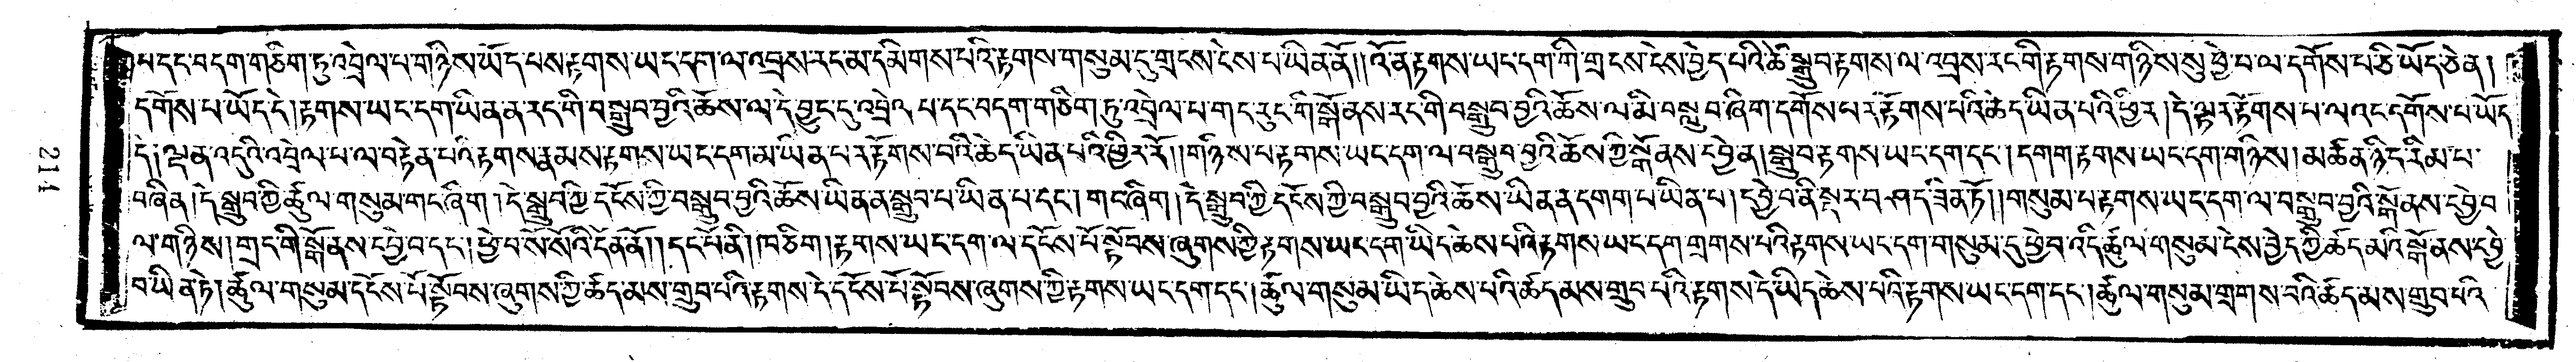པ་དང་བདག་གཅིག་ཏུ་འབྲེལ་པ་གཉིས་ཡོད་པས་རྟགས་ཡང་དག་ལ་འབྲས་རང་མ་དམིགས་པའི་རྟགས་གསུམ་དུ་གྲངས་ངེས་པ་ཡིན་ནོ། །འོ་ན་རྟགས་ཡང་དག་གི་གྲངས་ངེས་བྱེད་པའི་ཚེ་སྒྲུབ་རྟགས་ལ་འབྲས་རང་གི་རྟགས་གཉིས་སུ་ཕྱེ་བ་ལ་དགོས་པ་ཅི་ཡོད་ཅེ་ན།
དགོས་པ་ཡོད་དེ། རྟགས་ཡང་དག་ཡིན་ན་རང་གི་བསྒྲུབ་བྱའི་ཆོས་ལ་དེ་བྱུང་དུ་འབྲེལ་པ་དང་བདག་གཅིག་ཏུ་འབྲེལ་པ་གང་རུང་གི་སྒོ་ནས་རང་གི་བསྒྲུབ་བྱའི་ཆོས་ལ་མི་བསླུ་བ་ཞིག་དགོས་པར་རྟོགས་པའི་ཆེད་ཡིན་པའི་ཕྱིར། དེ་ལྟར་རྟོགས་པ་ལའང་དགོས་པ་ཡོད་
དེ༑ ལྡན་འདུའི་འབྲེལ་པ་ལ་བརྟེན་པའི་རྟགས་རྣམས་རྟགས་ཡང་དག་མ་ཡིན་པར་རྟོགས་པའི་ཆེད་ཡིན་པའི་ཕྱིར་རོ། །གཉིས་པ་རྟགས་ཡང་དག་ལ་བསྒྲུབ་བྱའི་ཆོས་ཀྱི་སྒོ་ནས་དབྱེ་ན། སྒྲུབ་རྟགས་ཡང་དག་དང་། དགག་རྟགས་ཡང་དག་གཉིས། མཚན་ཉིད་རིམ་པ་
བཞིན། དེ་སྒྲུབ་ཀྱི་ཚུལ་གསུམ་གང་ཞིག །དེ་སྒྲུབ་ཀྱི་དངོས་ཀྱི་བསྒྲུབ་བྱའི་ཆོས་ཡིན་ན་སྒྲུབ་པ་ཡིན་པ་དང་། གང་ཞིག ། དེ་སྒྲུབ་ཀྱི་དངོས་ཀྱི་བསྒྲུབ་བྱའི་ཆོས་ཡིན་ན་དགག་པ་ཡིན་པ། དབྱེ་བ་ནི་སྔར་བཤད་ཟིན་ཏོ། །གསུམ་པ་རྟགས་ཡང་དག་ལ་བསྒྲུབ་བྱའི་སྒོ་ནས་དབྱེ་བ་
ལ་གཉིས། གང་གི་སྒོ་ནས་དབྱེ་བ་དང་། ཕྱེ་བ་སོ་སོའི་སོན་ནོ། །དང་པོ་ནི། ཁ་ཅིག །རྟགས་ཡང་དག་ལ་དངོས་པོ་སྟོབས་ཞུགས་ཀྱི་རྟགས་ཡང་དག་ཡིད་ཆེས་པའི་རྟགས་ཡང་དག་གྲགས་པའི་རྟགས་ཡང་དག་གསུམ་དུ་ཕྱེ་བ་འདི་ཚུལ་གསུམ་ངེས་བྱེད་ཀྱི་ཚད་མའི་སྒོ་ནས་དབྱེ་
བ་ཡིན་ཏེ། ཚུལ་གསུམ་དངོས་པོ་སྟོབས་ཞུགས་ཀྱི་ཚད་མས་གྲུབ་པའི་རྟགས་དེ་དངོས་པོ་སྟོབས་ཞུགས་ཀྱི་རྟགས་ཡང་དག་དང་། ཚུལ་གསུམ་ཡིད་ཆེས་པའི་ཚད་མས་གྲུབ་པའི་རྟགས་དེ་ཡིད་ཆེས་པའི་རྟགས་ཡང་དག་དང་། ཚུལ་གསུམ་གྲགས་པའི་ཚད་མས་གྲུབ་པའི་